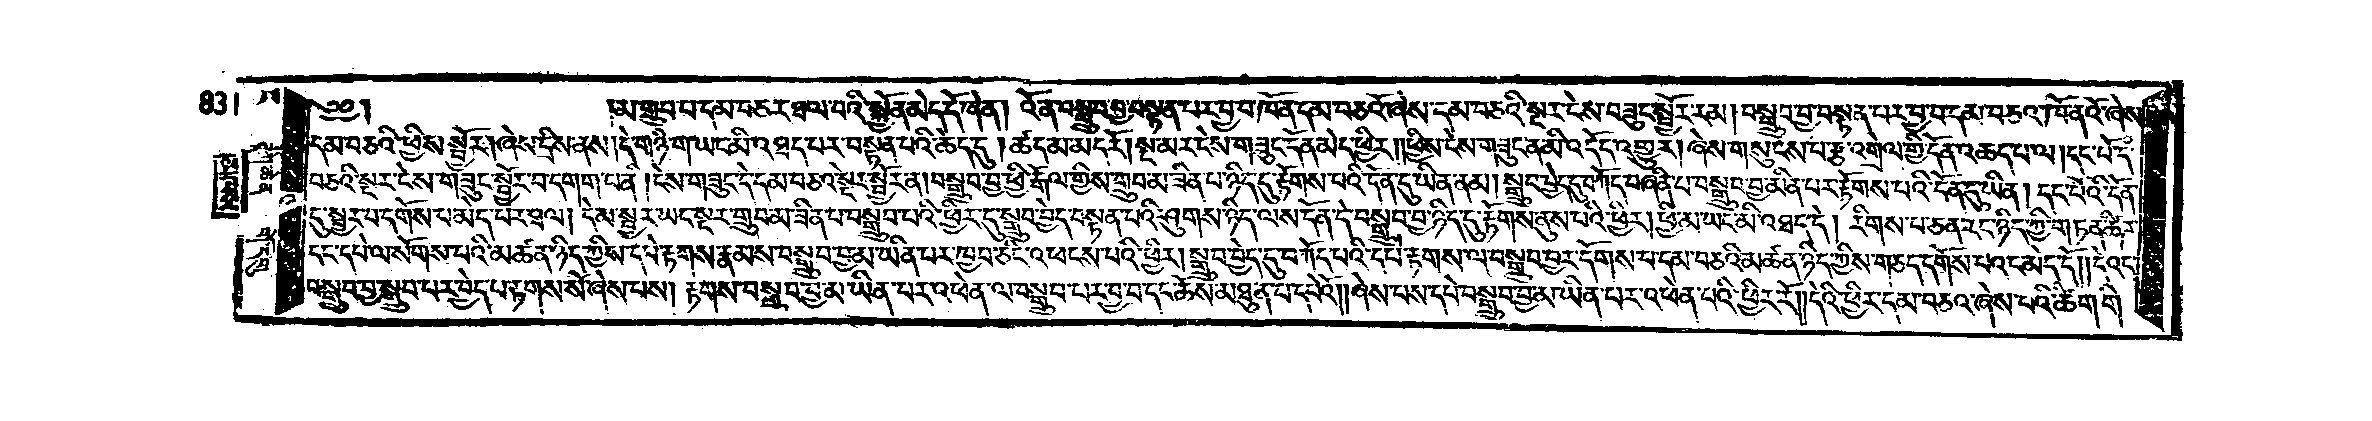༄༅། །མ་གྲུབ་པ་དམ་བཅར་ཐལ་བའི་སྐྱོན་མེད་དོ་ཞེ་ན། འོ་ན་བསྒྲུབ་བྱ་བསྟན་པར་བྱ་བ་ཁོ་ན་དམ་བཅའོ་ཞེས་དམ་བཅའི་སྔར་ངེས་བཟུང་སྦྱོར་རམ། བསྒྲུབ་བྱ་བསྟན་པར་བྱ་བ་དམ་བཅའ་ཁོ་ནའོ་ཞེས་
དམ་བཅའི་ཕྱིས་སྦྱོར། ཞེས་དྲིས་ནས། དེ་གཉི་ག་ཡང་མི་འཐད་པར་བསྟན་པའི་ཆེད་དུ། ཚད་མ་མདོར། སྔ་མར་ངེས་གཟུང་དོན་མེད་ཕྱིར། ཕྱིས་ངེས་གཟུང་ན་མི་འདོད་འགྱུར། ཞེས་གསུངས་པ་རྩ་འགྲེལ་གྱི་དོན་འཆད་པ་ལ། དང་པོ་དམ་
བཅའི་སྔར་ངེས་གཟུང་སྦྱོར་བ་དགག་པ་ནི། ངེས་གཟུང་དེ་དམ་བཅའི་སྔར་སྦྱོར་ན། བསྒྲུབ་བྱ་ཕྱི་རྒོལ་གྱིས་གྲུབ་མ་ཟིན་པ་ཉིད་དུ་རྟོགས་པའི་དོན་དུ་ཡིན་ནམ། སྒྲུབ་བྱེད་དུ་བཀོད་བཞིན་པ་བསྒྲུབ་བྱ་མིན་པར་རྟོགས་པའི་དོན་དུ་ཡིན། དང་པོའི་དོན་
དུ་སྦྱར་པ་དགོས་པ་མེད་པར་ཐལ། དེ་མ་སྦྱར་ཡང་སྔར་གྲུབ་མ་ཟིན་པ་བསྒྲུབ་པའི་ཕྱིར་དུ་སྒྲུབ་བྱེད་བསྟན་པའི་ཤུགས་ཉིད་ལས་དོན་དེ་བསྒྲུབ་བྱ་ཉིད་དུ་རྟོགས་ནུས་པའི་ཕྱིར། ཕྱི་མ་ཡང་མི་འཐད་དེ། རིགས་པ་ཅན་རང་ཉིད་ཀྱི་གཏན་ཚིགས་
དང་དཔེ་ལ་སོགས་པའི་མཚན་ཉིད་ཀྱིས་དཔེ་རྟགས་རྣམས་བསྒྲུབ་བྱ་མ་ཡིན་པར་ཁྱབ་ཅིང་འཕངས་པའི་ཕྱིར། སྒྲུབ་བྱེད་དུ་བཀོད་པའི་དཔེ་རྟགས་ལ་བསྒྲུབ་བྱར་དོགས་པ་དམ་བཅའི་མཚན་ཉིད་ཀྱིས་གཅད་དགོས་པའང་མེད་དོ། །དེའང་
བསྒྲུབ་བྱ་སྒྲུབ་པར་བྱེད་པ་རྟགས་སོ་ཞེས་པས། རྟགས་བསྒྲུབ་བྱ་མ་ཡིན་པར་འཕེན་ལ་བསྒྲུབ་པར་བྱ་བ་དང་ཆོས་མཐུན་པ་དཔེའོ། །ཞེས་པས་དཔེ་བསྒྲུབ་བྱ་མ་ཡིན་པར་འཕེན་པའི་ཕྱིར་རོ། །དེའི་ཕྱིར་དམ་བཅའ་ཞེས་པའི་ཚིག་གི་